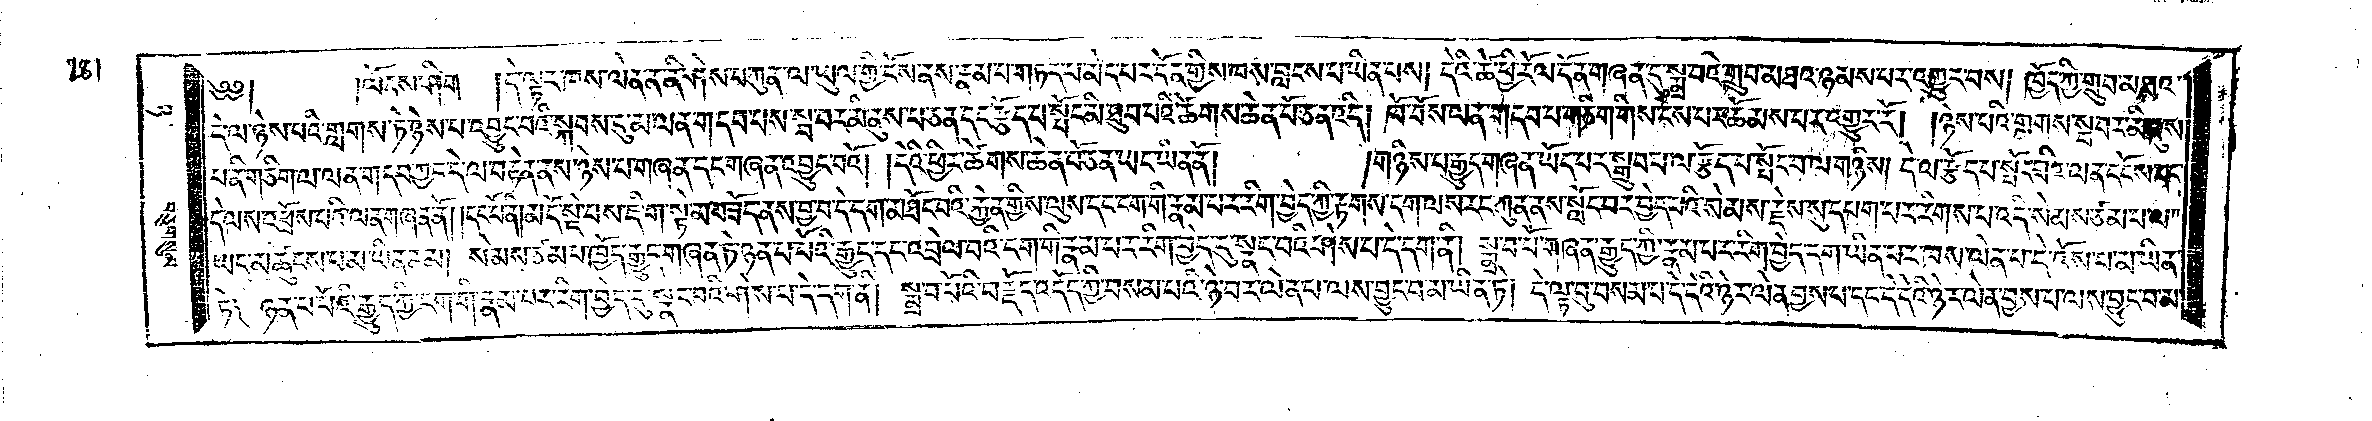༄༅། །ལོངས་ཤིག །དེ་ལྟར་ཁས་ལེན་ན་ནི་ཤེས་པ་ཀུན་ལ་ཡུལ་གྱི་ངོས་ནས་རྣམ་པ་གཏད་པ་མེད་པར་དོན་གྱིས་ཁས་བླངས་པ་ཡིན་པས། དེའི་ཚེ་ཕྱི་རོལ་དོན་གཞན་དུ་སྨྲ་བའི་གྲུབ་མཐའ་ཉམས་པར་འགྱུར་བས། ཁྱོད་ཀྱི་གྲུབ་མཐའ་
དེ་ལ་ཉེས་པའི་གླགས་ཏེ་ཉེས་པ་འབྱུང་བའི་སྐབས་དུ་མ་ལན་གདབ་པས་སྦ་བར་མི་ནུས་པ་ཅན་དང་རྩོད་པ་སྤོང་མི་ཐུབ་པའི་ཚེགས་ཆེན་པོ་ཅན་འདི། ཁོ་བོས་ལན་གདབ་པ་གཅིག་གིས་ངེས་པར་ཆོམས་པར་འགྱུར་རོ། །ཉེས་པའི་གླགས་སྦ་བར་མི་ནུས་
པ་ནི་གཅིག་ལ་ལན་གདབ་ཀྱང་དེ་ལ་བརྟེན་ནས་ཉེས་པ་གཞན་དང་གཞན་འབྱུང་བའོ། །དེའི་ཕྱིར་ཚེགས་ཆེན་པོ་ཅན་ཡང་ཡིན་ནོ། །གཉིས་པ་རྒྱུད་གཞན་ཡོད་པར་སྒྲུབ་པ་ལ་རྩོད་པ་སྤོང་བ་ལ་གཉིས། དེ་ལ་རྩོད་པ་སྤོང་བའི་ལན་དངོས་དང?
དེ་ལས་འཕྲོས་པའི་ལན་གཞན་ནོ། །དང་པོ་ནི། མདོ་སྡེ་བས་ཇི་ག་སྟེ་མ་བཟོད་ནས་བྱ་བ་དེ་དག་མཐོང་བའི་རྐྱེན་གྱིས་ལུས་དང་ངག་གི་རྣམ་པར་རིག་བྱེད་ཀྱི་རྟགས་དག་ལས་རང་ཀུན་ནས་སློང་བར་བྱེད་པའི་སེམས་རྗེས་སུ་དཔག་པར་རིགས་པ་འདི་སེམས་ཙམ་པ་ལ་
ཡང་མཚུངས་པ་མ་ཡིན་ནམ། སེམས་ཙམ་པ་ཁྱོད་རྒྱུད་གཞན་ཏེ་ཉན་པ་པོའི་རྒྱུད་དང་འབྲེལ་བའི་ངག་གི་རྣམ་པར་རིག་བྱེད་དུ་སྣང་བའི་ཤེས་པ་དེ་དག་ནི། སྨྲ་བ་པོ་གཞན་རྒྱུད་ཀྱི་རྣམ་པར་རིག་བྱེད་དག་ཡིན་པར་ཁས་ལེན་པ་དེ་འོས་པ་མ་ཡིན་
ཏེ༑ ཉན་པ་པོའི་རྒྱུད་ཀྱི་ངག་གི་རྣམ་པར་རིག་བྱེད་དུ་སྣང་བའི་ཤེས་པ་དེ་དག་ནི། སྨྲ་བ་པོའི་བརྗོད་འདོད་ཀྱི་བསམ་པའི་ཉེ་བར་ལེན་པ་ལས་བྱུང་བ་མ་ཡིན་ཏེ། དེ་ལྟ་བུ་བསམ་པ་དེ་དེའི་ཉེར་ལེན་བྱས་པ་དང་དེ་དེའི་ཉེར་ལེན་བྱས་པ་ལས་བྱུང་བ་མ་